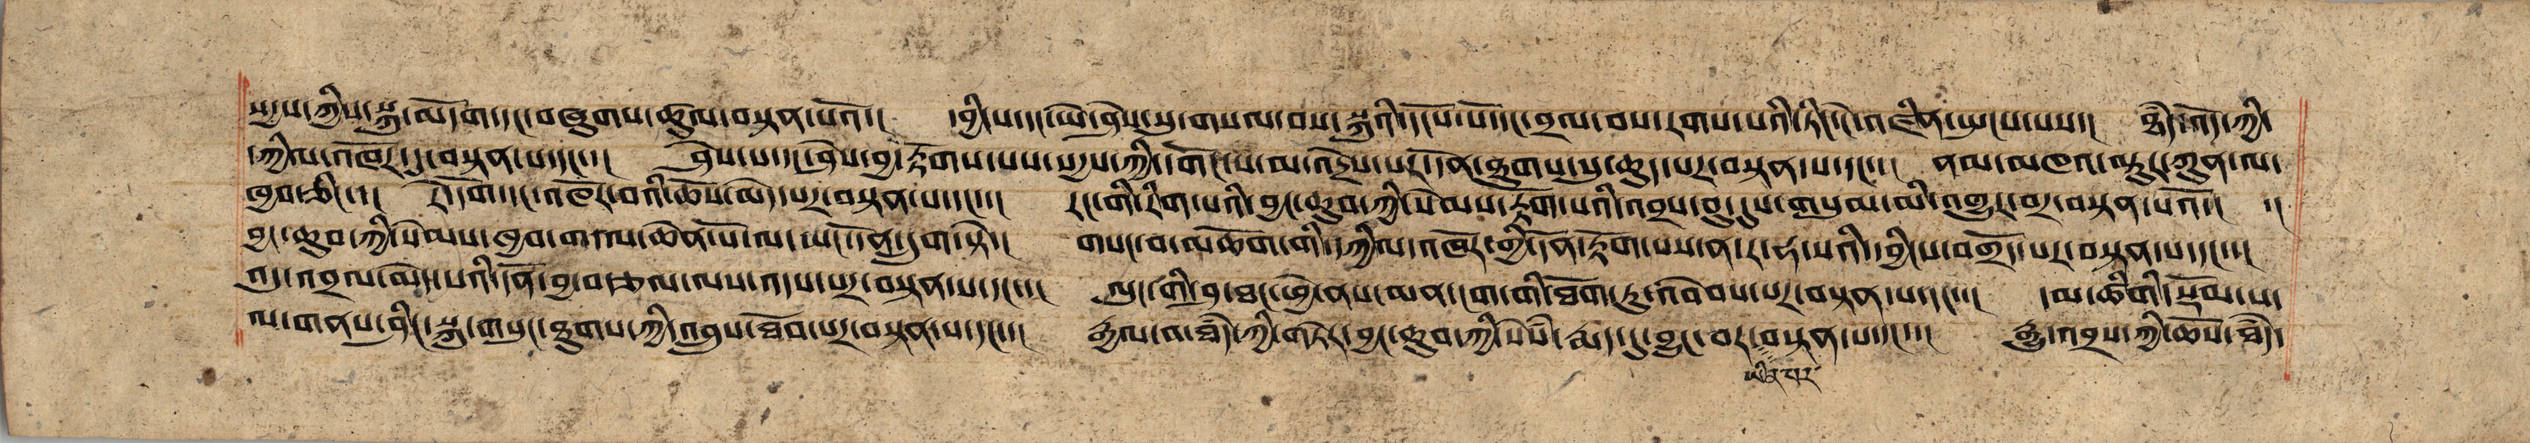སདྱས་ཀྱིས་སྐུ་མདོག་དང་བཞུགས་ཚུལ་བསྟན་པའོ་། དབྱིངས་དང་ཡེ་ཤེས་སུ་གསལ་བས་སྐུའི་དངོས་པོ་དང་བྲལ་བས་རགས་པའི་ཏིང་ངེ་འཛིན་སྤངས་པས་། ཐཾད་འོད་ཀྱི་
དཀྱིལ་འཁོར་དུ་བསྟན་པ་དང་། ཤེས་པ་དང་ཤེས་བྱ་རྟོགས་པས་སདྱས་ཀྱི་དགོང་པ་མ་འདྲེས་པར་དོན་ཐུགས་སུ་ཆུད་པར་བསྟན་པ་དང་། ནམ་མཁའ་ལྟུར་ཀུན་ལ་
ཁྱབ་ཅིང་། རེ་དོག་དང་འཁོར་བའི་ཆོས་མེད་པར་བསྟན་པ་དང་། རང་གི་རིག་པའི་བྱང་ཆུབ་ཀྱི་སེམས་རྟོག་པའི་འབྲས་བུ་དུས་གསུམ་མི་འགྱུར་བར་བསྟན་པའོ་། ་།
བྱང་ཆུབ་ཀྱི་སེམས་ཁྱབ་གདལ་ཆེན་པོ་ལ་ཡང་དོན་དྲུག་སྟེ་། གསང་བ་མཆོག་གི་དཀྱིལ་འཁོར་གྱི་དོན་རྟོག་པས་ན་ར་ཧ་སའི་དབྱིངས་བགྲོད་པར་བསྟན་པ་དང་་།
འདུ་འབྲལ་མེད་པའི་དོན་བྱ་བརྩལ་ལས་འདས་པར་བསྟན་པ་དང་་། ལུང་གི་ཤ་ཐང་ཕྱེ་ནས་མན་ངག་གི་ཐོག་ཏུ་འབེབས་པར་བསྟན་པ་དང་་། དམ་ཚིགི་སྡོམ་པ་
ལ་གནས་ཤིང་སྐུ་གསུང་ཐུགས་ཀྱི་འབྲུས་ཐོབ་པར་བསྟན་པ་དང་་། རྒྱལ་བ་ཐཾད་ཀྱི་གཏེར་བྱང་ཆུབ་སེཾས་རྨད་དུ་བྱུང་བར་བསྟན་པ་དང་་། རྒྱུ་འབྲས་ཀྱི་ཆོས་ཐཾད་